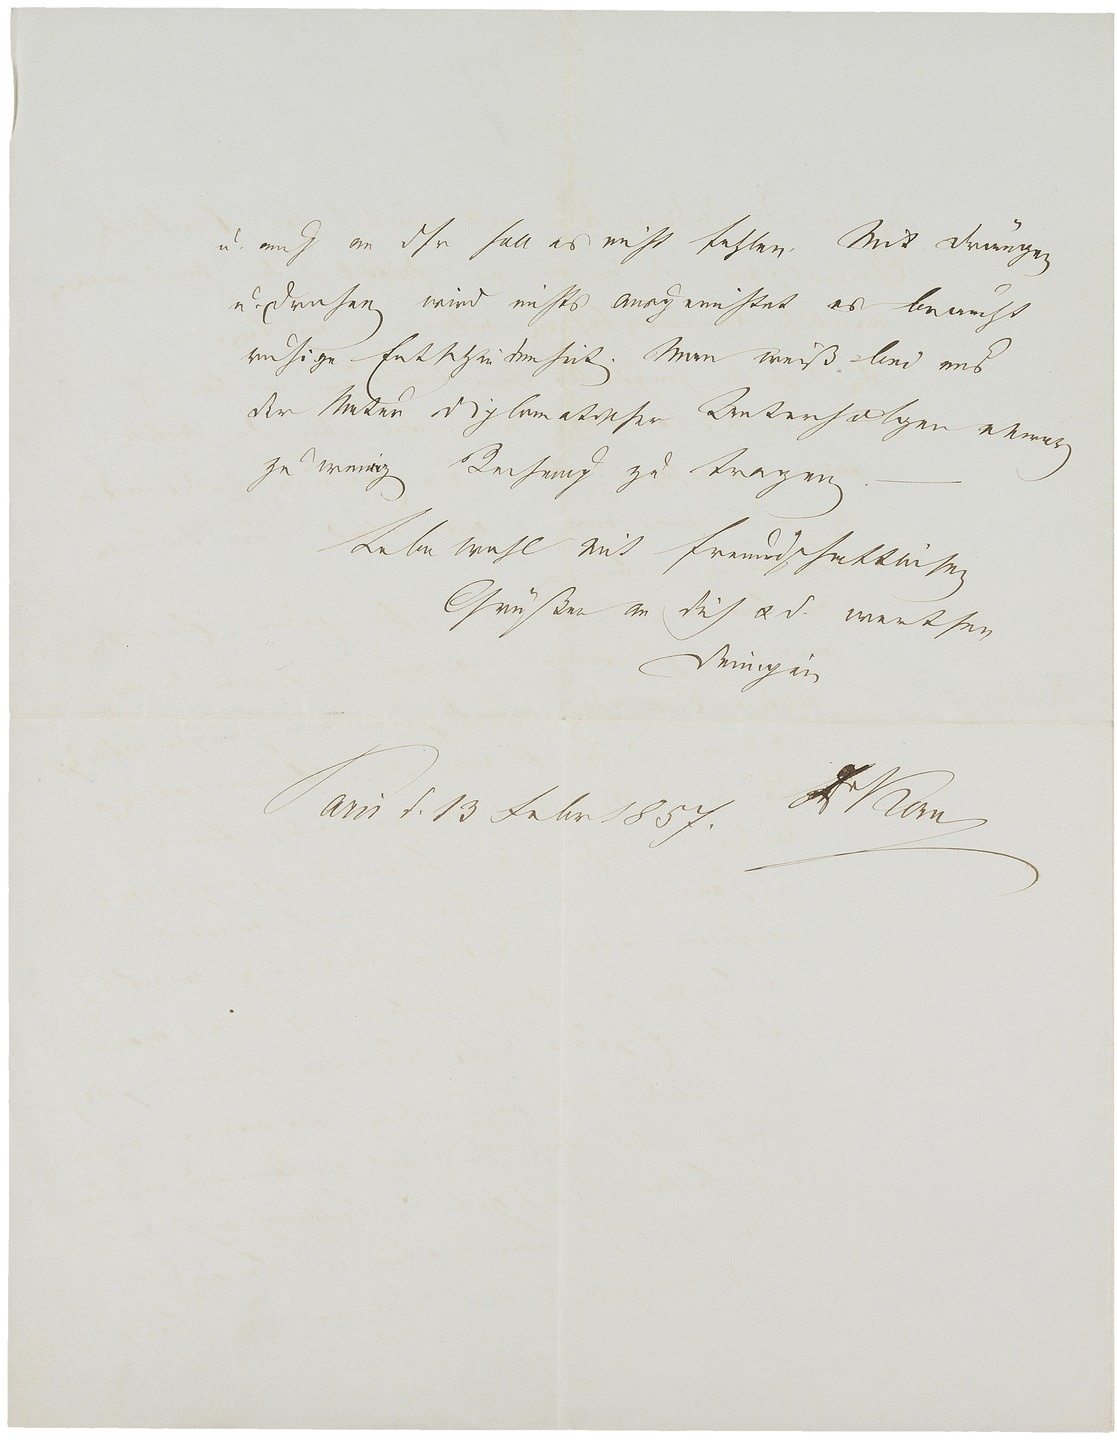u. auch an dieser soll es nicht fehlen. Mit Drängen
u. Drohen wird nichts ausgerichtet es braucht
ruhige Entschiedenheit. Man weiß bei uns
der Natur diplomatischer Unterhandlungen etwas
zu wenig Rechnung zu tragen. –
Lebe wohl mit freundschaftlichen
Grüßen an dich & d. werthen
deinigen
Dr Kern
Paris d. 13 Febr. 1857.